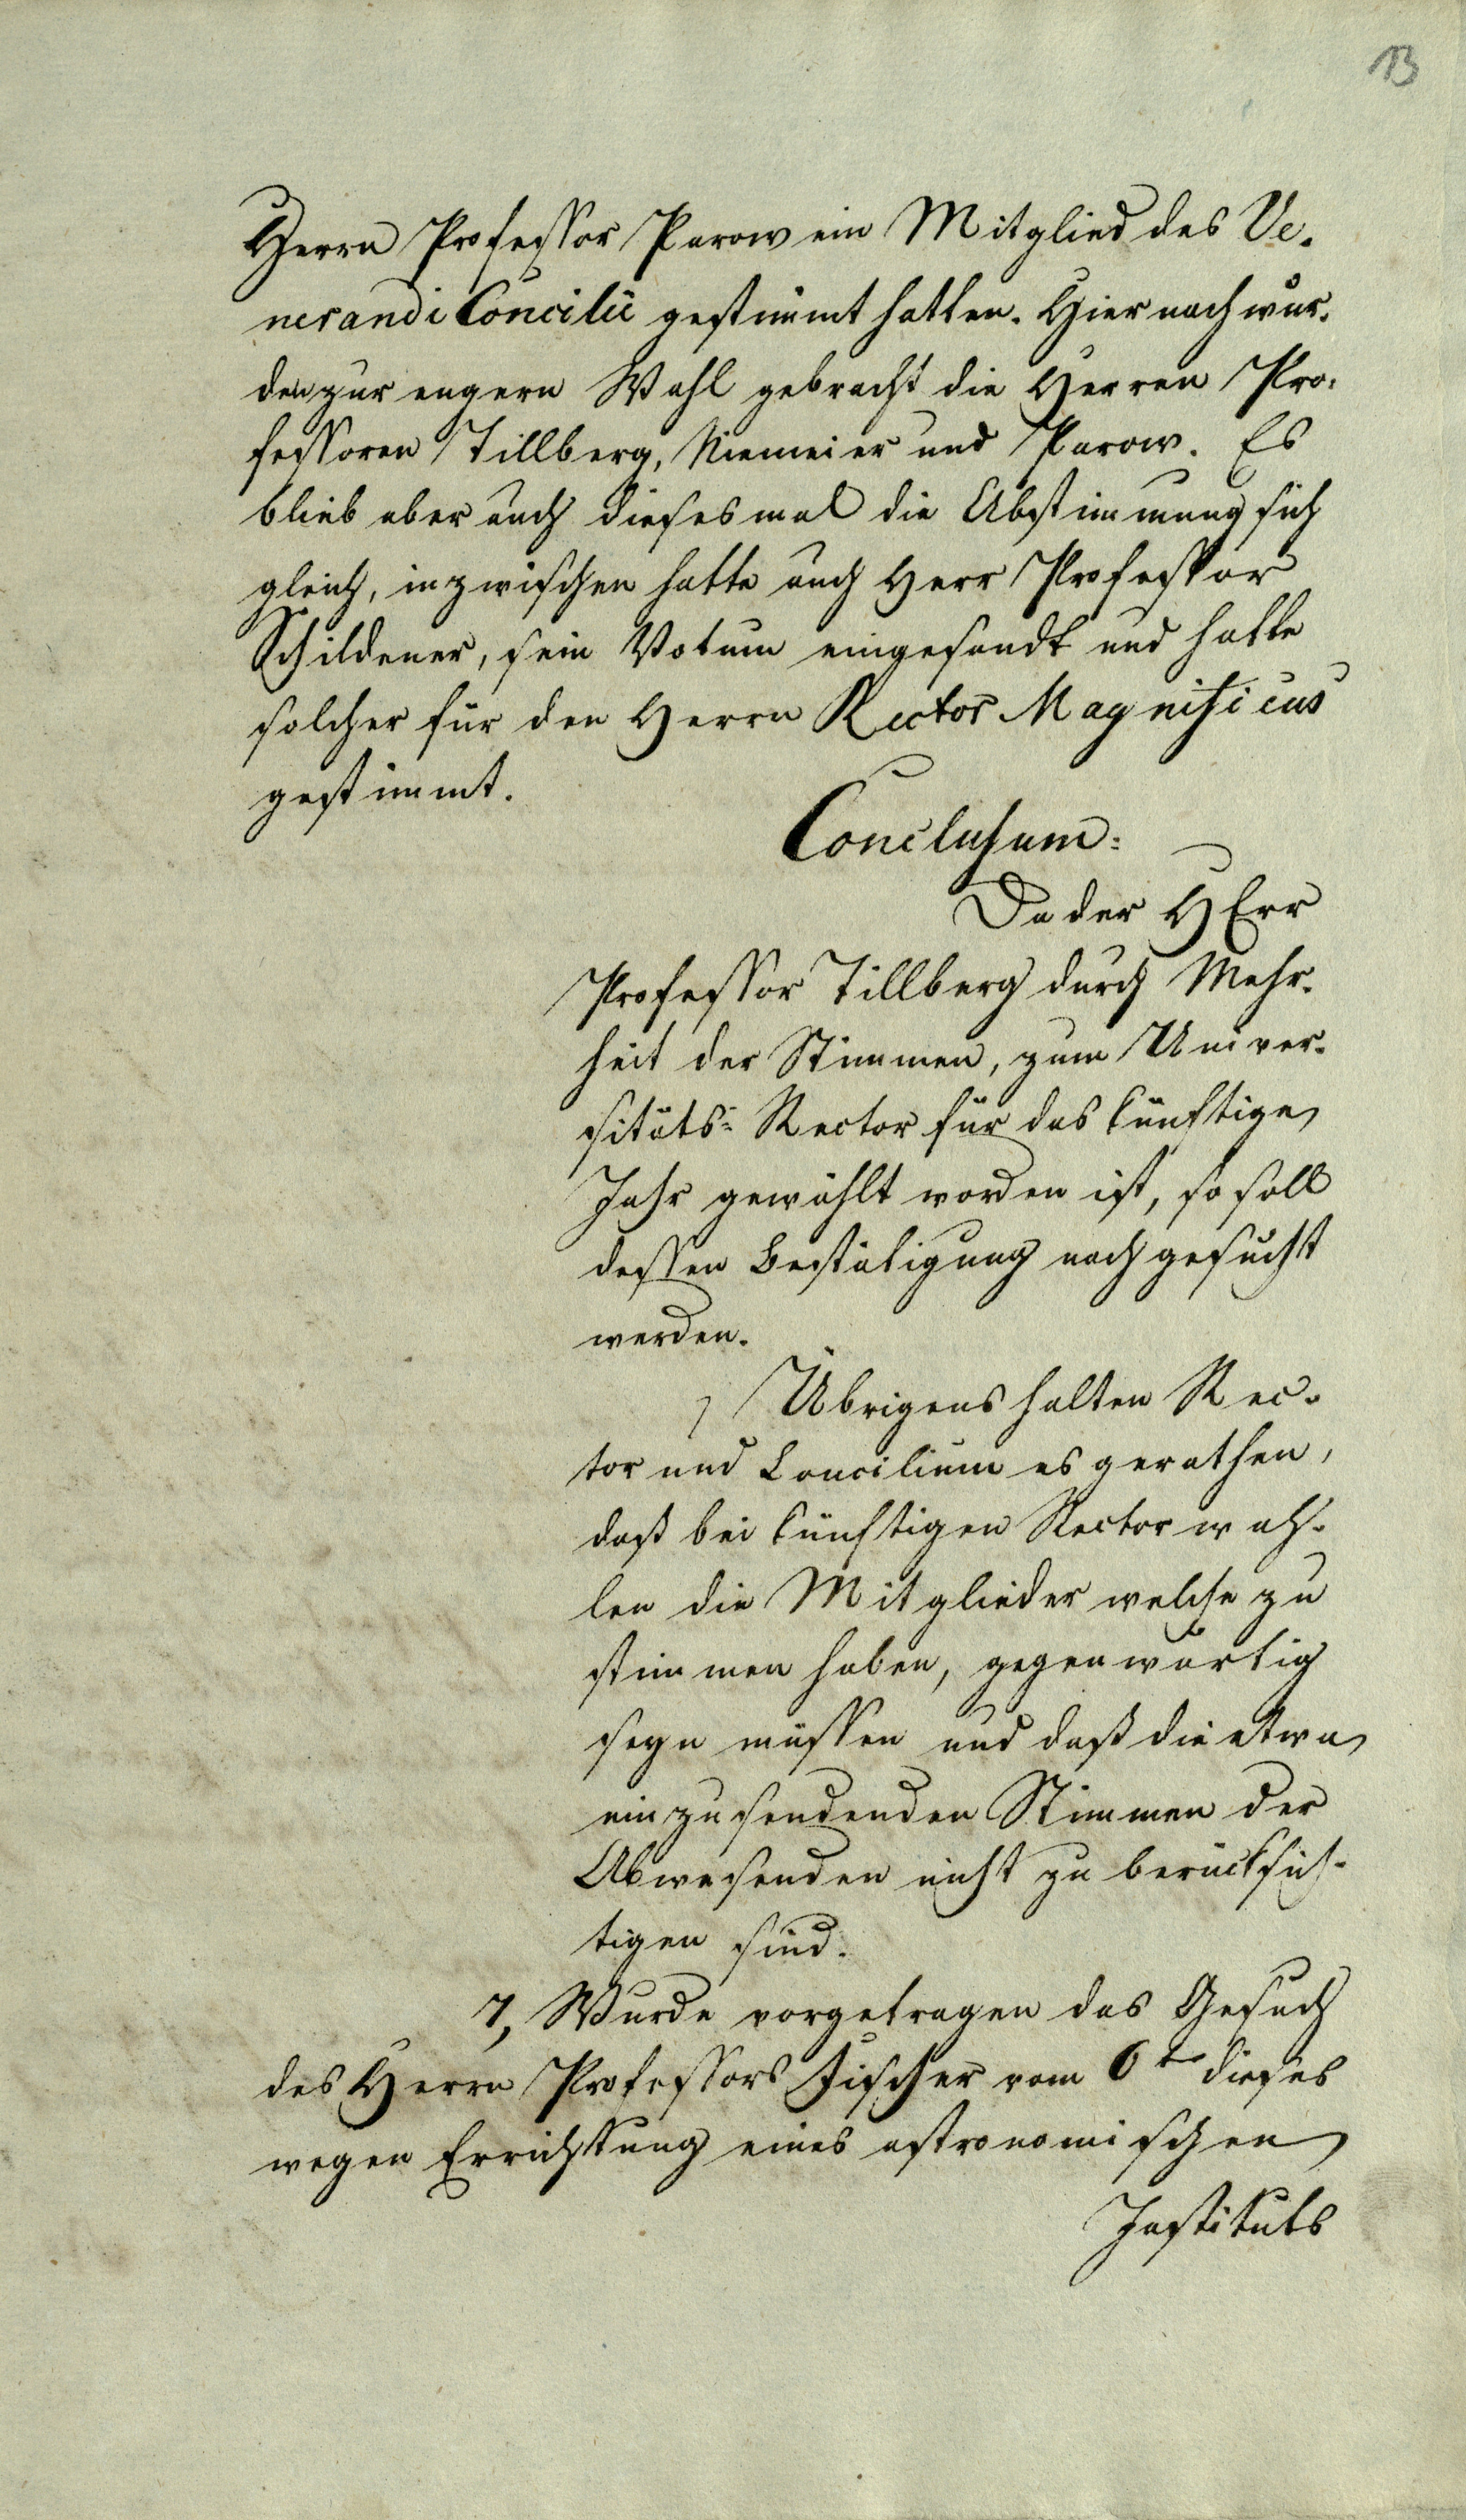Herrn Professor Parow ein Mitglied des Ve¬
nerandi Concilii gestimmt hatten. Hiernach wur¬
den zur engern Wahl gebracht die Herren Pro¬
fessoren Tillberg, Niemeier und Parow. Es
blieb aber auch diesesmal die Abstimmung sich
gleich, inzwischen hatte auch Herr Professor
Schildener, sein Votum eingesandt und hatte
solcher für den Herrn Rector Magnificus
gestimmt.
Conclusum:
Da der HErr
Professor Tillberg durch Mehr¬
heit der Stimmen, zum Univer—
sitäts Rector für das künftige,
Jahr gewählt worden ist, so soll
dessen Bestätigung nachgesucht
werden.
Übrigens halten Rec¬
tor und Concilium es gerathen,
daß bei künftigen Rectorwah¬
len die Mitglieder welche zu
stimmen haben, gegenwärtig
seyn müssen und daß die etwa
einzusendenden Stimmen der
Abwesenden nicht zu berücksich¬
tigen sind.
7, Wurde vorgetragen das Gesuch
des Herrn Professors Fischer vom 6ten dieses
wegen Errichtung eines astronomischen
Instituts